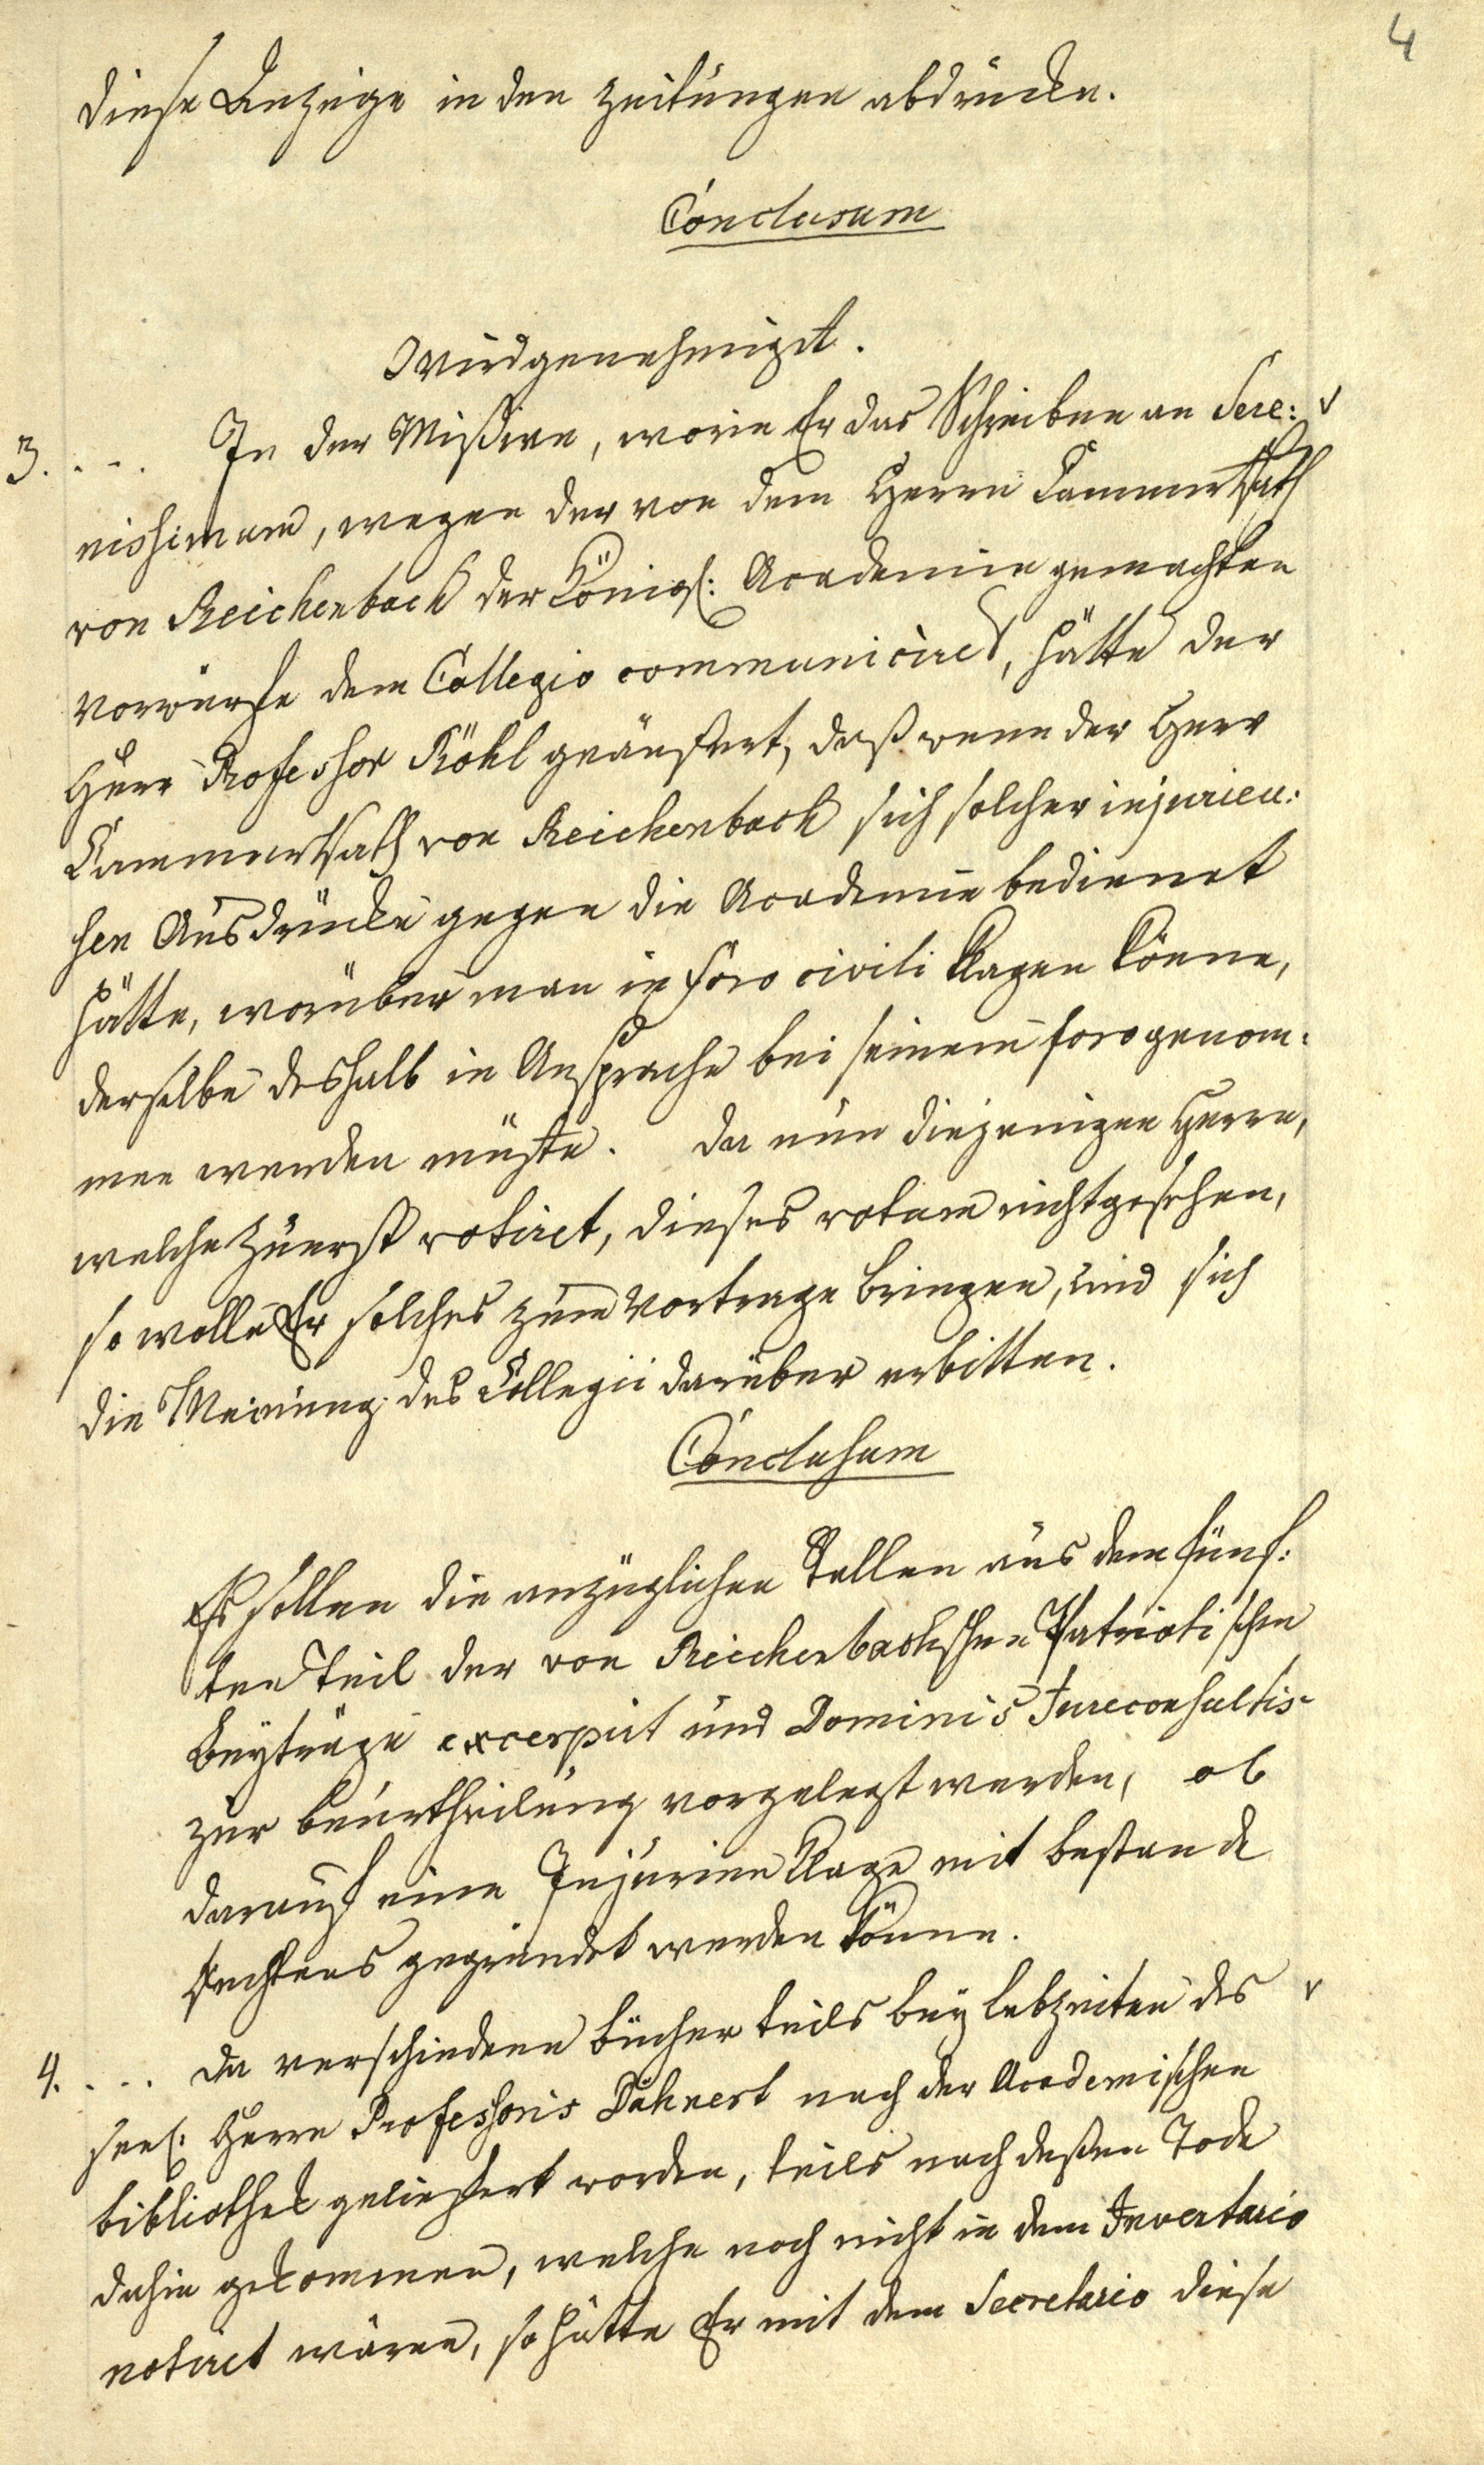diese Anzeige in den Zeitungen abdrucke.
Conclusum
Wird genehmiget.
3. In der Mißive, worin Er das Schreiben an Sere¬
nissimum, wegen der von den Herrn CammerRath
von Reichenbach der Königl. Academie gemachten
Vorwürfe dem Collegio communiciret, hätte der
Herr Professor Röhl geäußert, daß wenn der Herr
CammerRath von Reichenbach sich solcher injurien¬
sen Ausdrücke gegen die Academie bedienet
hätte, worüber man in foro civiti klagen könne,
derselbe deshalb in Ansprache bei seinem foro genom¬
men werden müste. Da nun diejenigen Herrn,
welche zuerst votiret, dieses votum nichtgesehen,
so wolle Er solches zum Vortrage bringen, und sich
die Meinung des Collegii darüber erbitten.
Conclusum
Er sollen die anzüglichen Stellen aus dem fünf¬
ten Teil der von Reichenbachschen Patriotischen
Beÿträge excerpirt und Dominis Jureconsultis
zur Beurtheilung vorgelegt werden, ob
darauf eine Injurien Klage mit Bestande
Rechtens gegründet werden könne.
4. Da verschiedene Bücher teils beÿ Lebziten des
seel. Herrn Professoris Dähnert nach der Academischen
Bibliothek geliefert worden, teils nach deßen Tode
dahin gekommen, welche noch nicht in dem Inventario
notiret wären, so hätte Er mit dem Secretario diese